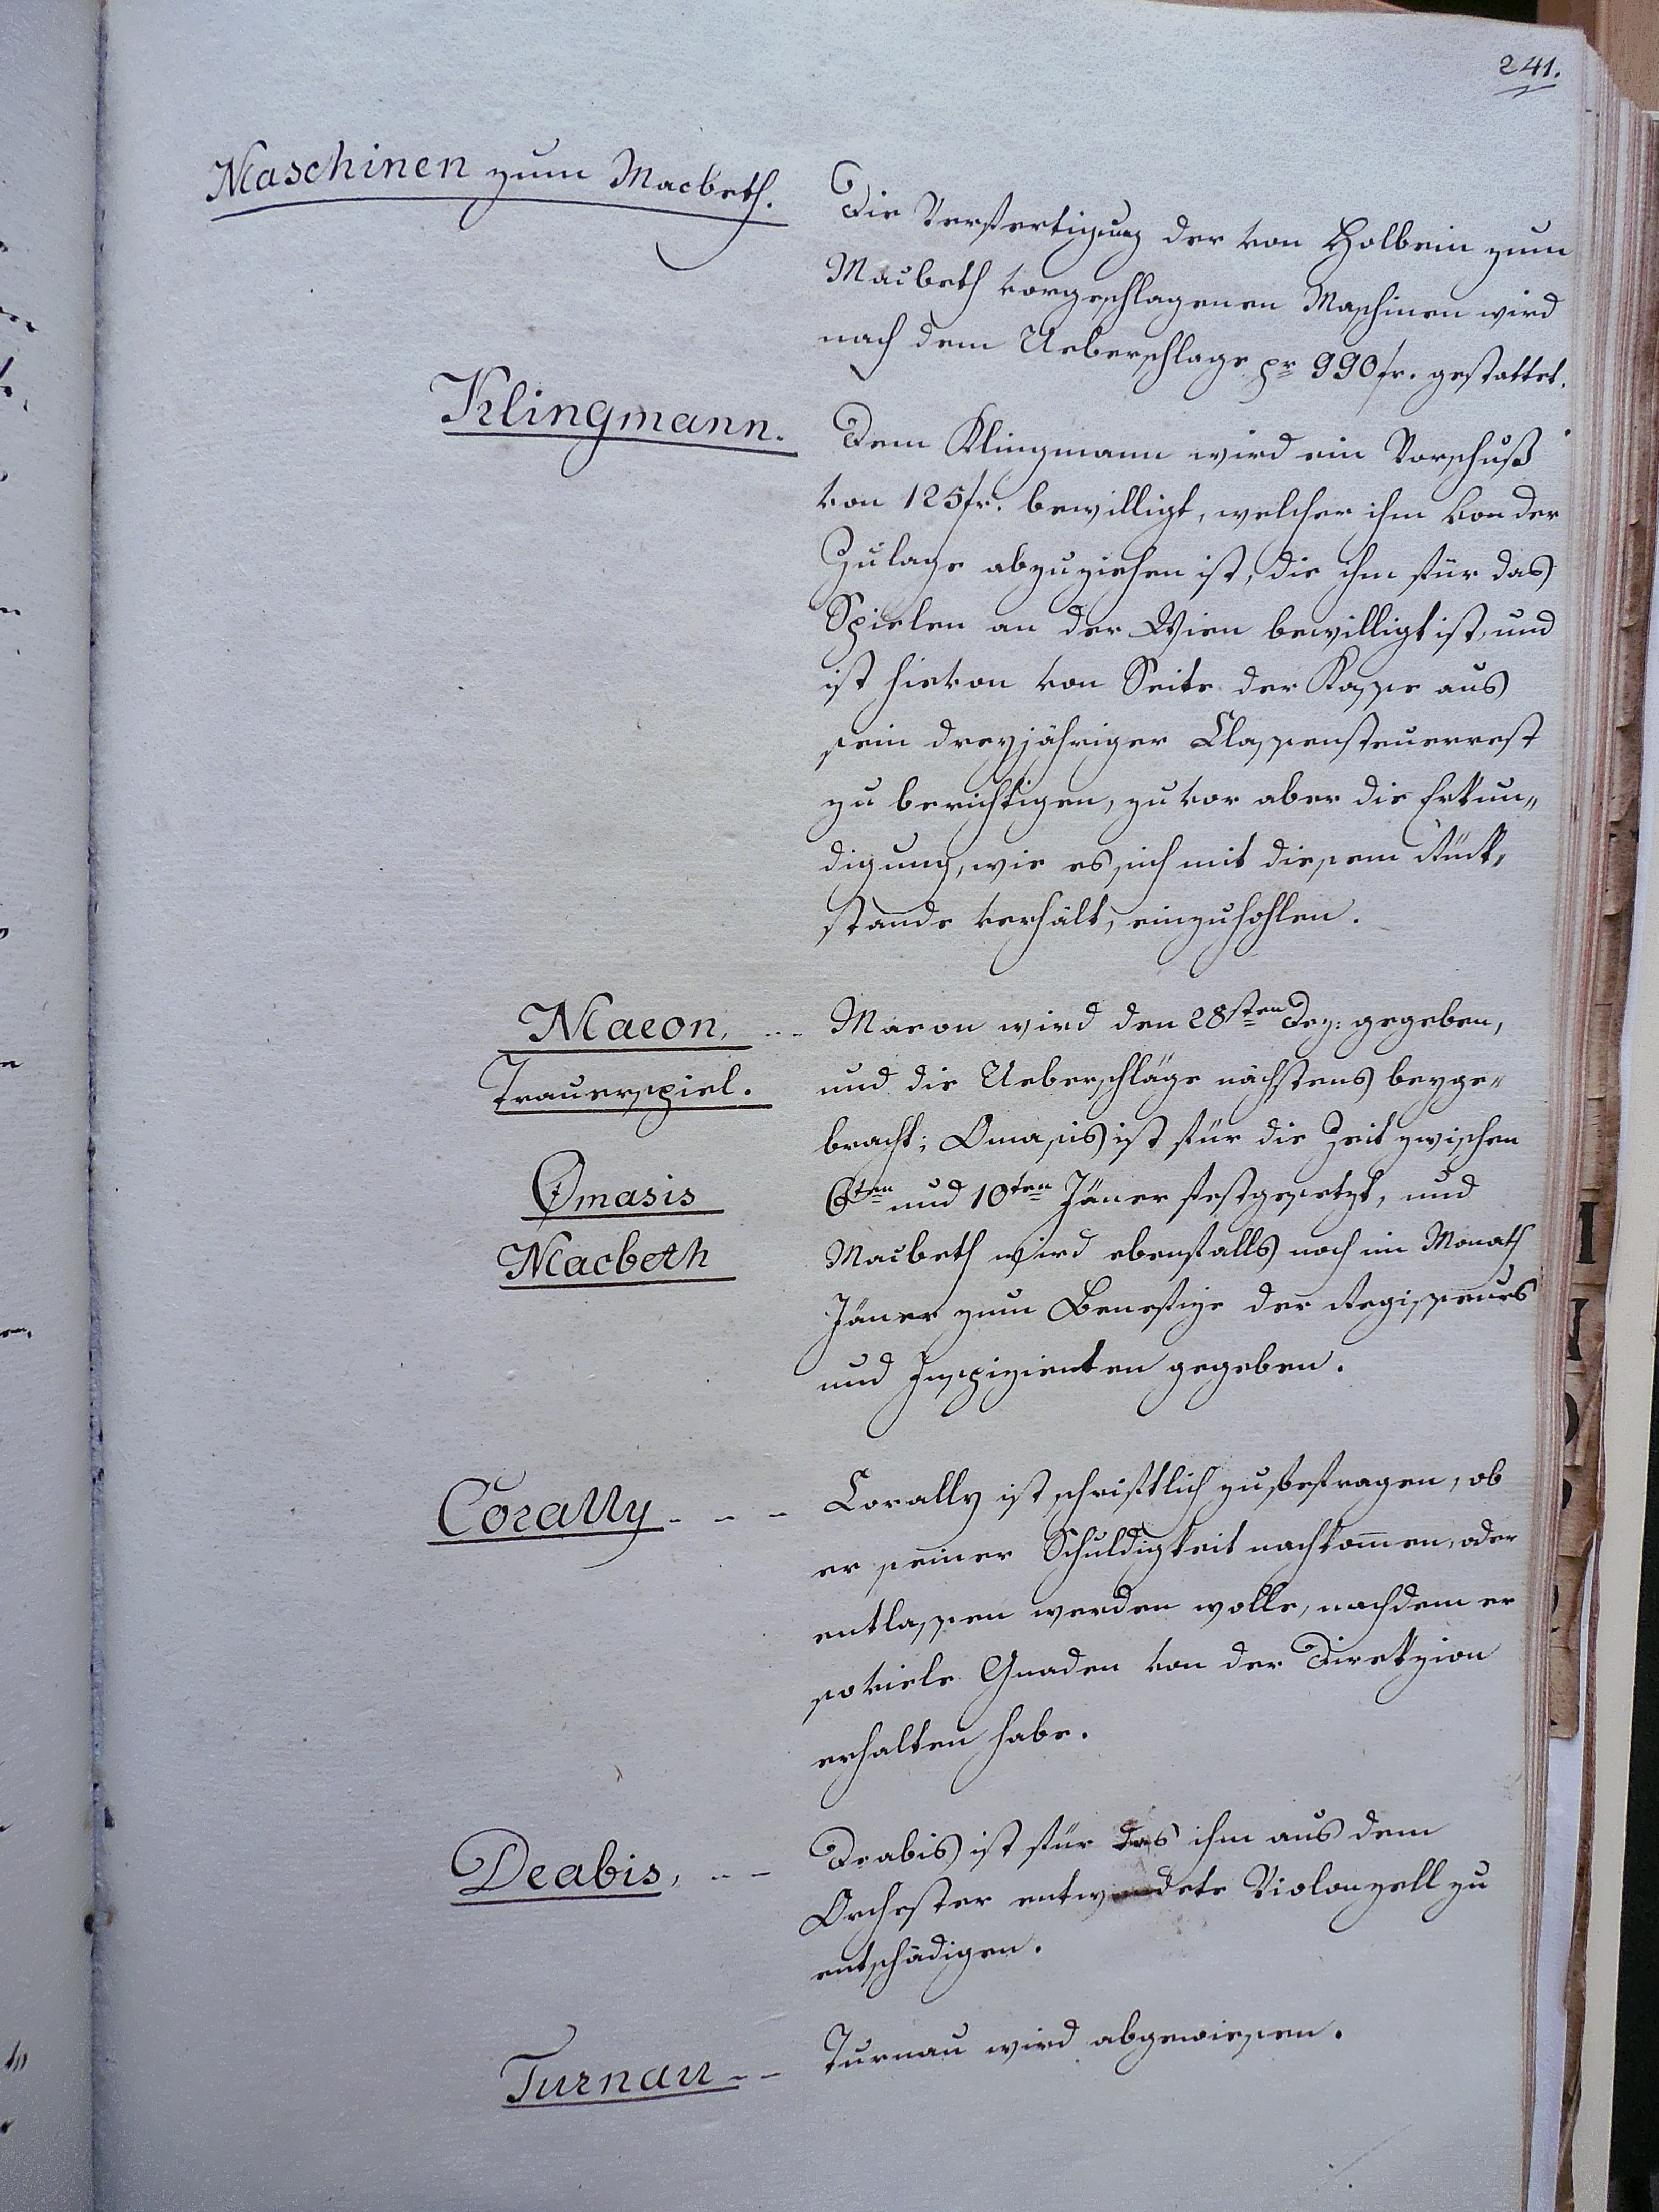241.
Maschinen zum Macbeth. Die Verfertigung der von Holbein zum
Macbeth vorgeschlagenen Maschinen wird
nach dem Ueberschlage pr͇ 990fr. gestattet.
Klingmann. Dem Klingmann wird ein Vorschuß
von 125fr. bewilligt, welcher ihm von der
Zulage abzuziehen ist, die ihm für das
Spielen an der Wien bewilligt ist, und
ist hievon von Seite der Kasse aus
sein dreyjähriger Classensteuerrest
zu berichtigen, zu vor aber die Erkun¬
digung, wie es sich mit diesem Rück¬
stande verhält einzuhohlen.
Maeon,
Trauerspiel.
Omasis
Macbeth
Maeon wird den 28ste͇n Dez. gegeben,
und die Ueberschläge nächstens beyge¬
bracht; Omasis ist für die Zeit zwischen
6te͇n und 10te͇n Jäner festgesetzt, und
Macbeth wird ebenfalls nach im Monath
Jäner zum Benefize der Regisseurs
und Jnspizienten gegeben.
Corally .. .. .. Corally ist schriftlich zubefragen, ob
er seiner Schuldigkeit nachkom̅en, oder
entlassen werden wolle, nachdem er
soviele Gnaden von der Direkzion
erhalten habe.
Deabis, .. .. Deabis ist für das ihm aus dem
Orchester entwendete Violonzell zu
entschädigen.
Turnau .. .. Turnau wird abgewiesen.